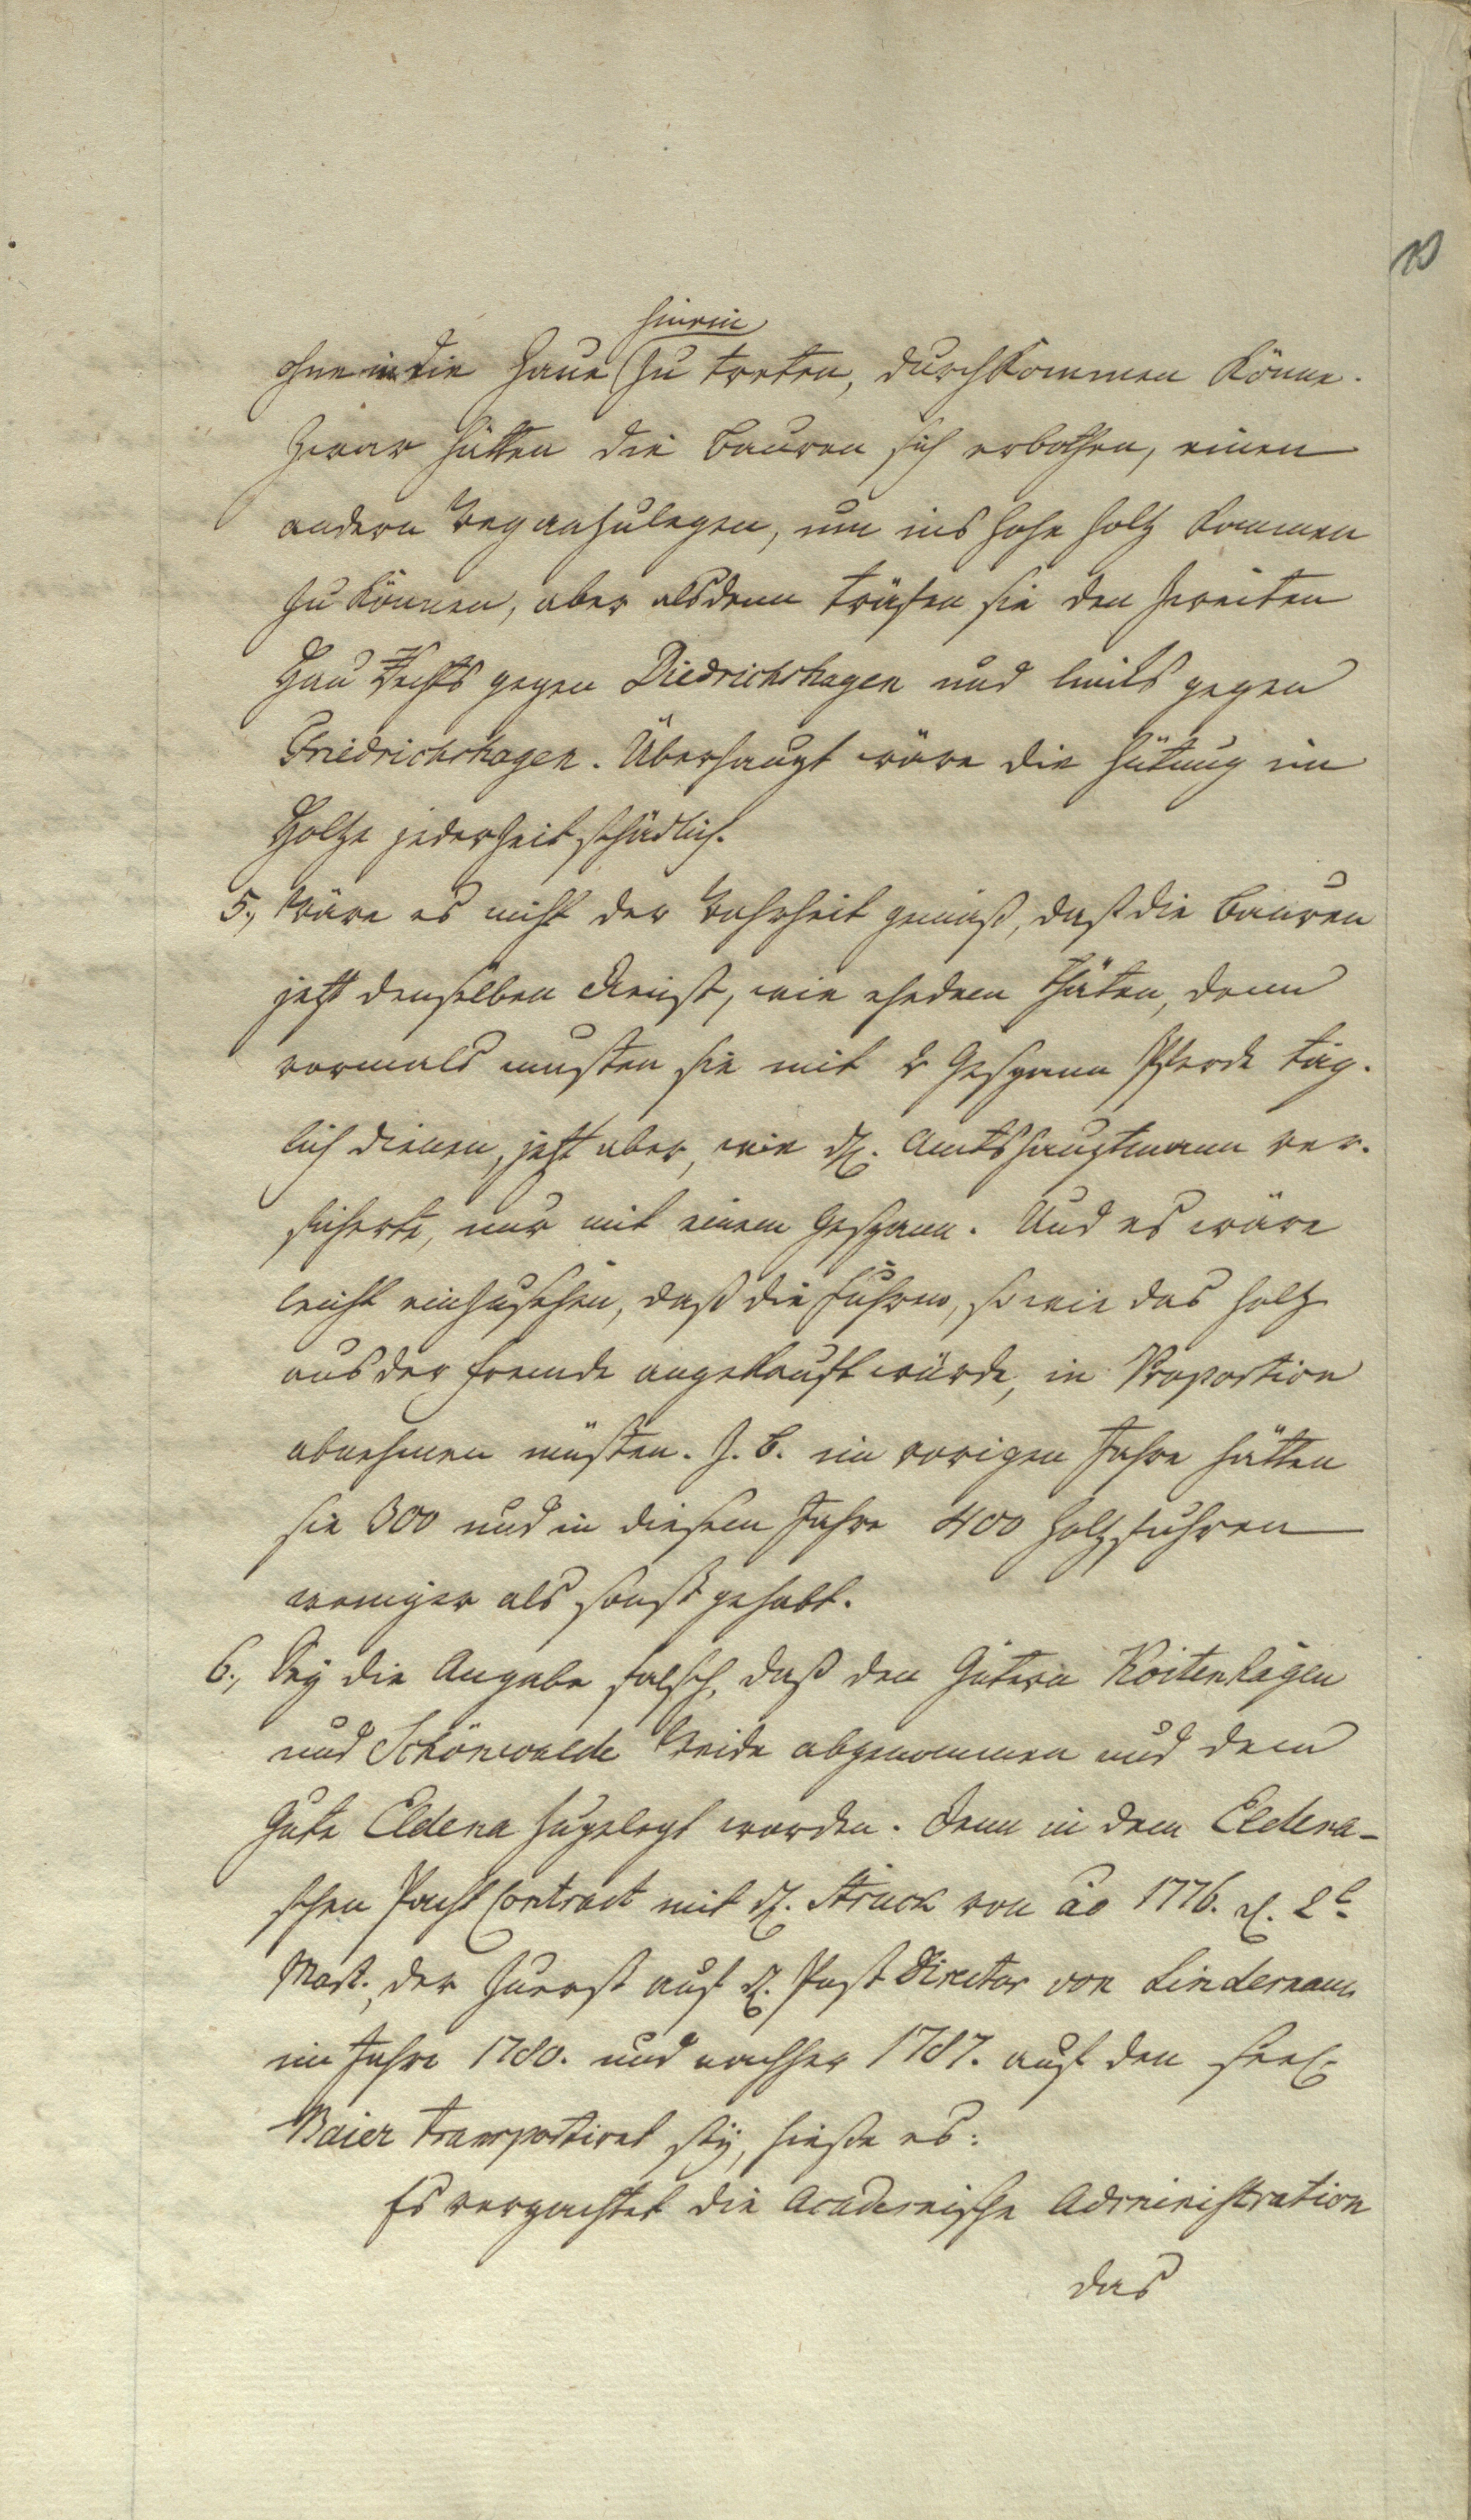ohne in die Haue hinein zu treten, durchkommen könne.
Zwar hätten die Bauren sich erbothen, einen
andern Weg anzulegen, um ins hohe Holz kommen
zu können, aber alsdenn träfen sie den zweiten
Hau Rechts gegen Diedrichshagen und links gegen
Friedrichshagen. Überaupt wäre die Hütung im
Holze jederzeit schädlich.
5., Wäre es nicht der Wahrheit gemäß, daß die Bauren
jetzt denselben Dienst, wie ehedem thäten, denn
vormals mußten sie mit 2 Gespannen Pferd täg¬
lich dienen, jetzt aber, wie dh. Amtshauptmann ver¬
sicherte, nur mit einem Gespann. Und es wäre
leicht einzusehen, daß die Fuhren, so wie das Holz
aus der Fremde angekauft würde, in Proportion
abnehmen müßten. Z. b. im vorigen Jahre hätten
sie 300 und in diesem Jahre 400 Holzfuhren
weniger als sonst gehabt.
6., Sey die Angabe falsch, daß den Gütern Koitenhagen
und Schönwalde Weide abgenommen und dem
Gute Eldena zugelegt worden. Denn in dem Eldena¬
schn Pacht Contract mit dh. Struck von ao 1776 d. 2t.
Mart., der zuerst auf dh. Post Director von Lindemann
im Jahre 1780 und welcher 1787 auf den seel¬
Baier transportiret sey, hieße es:
Es verpachtet die Academische Administration
das